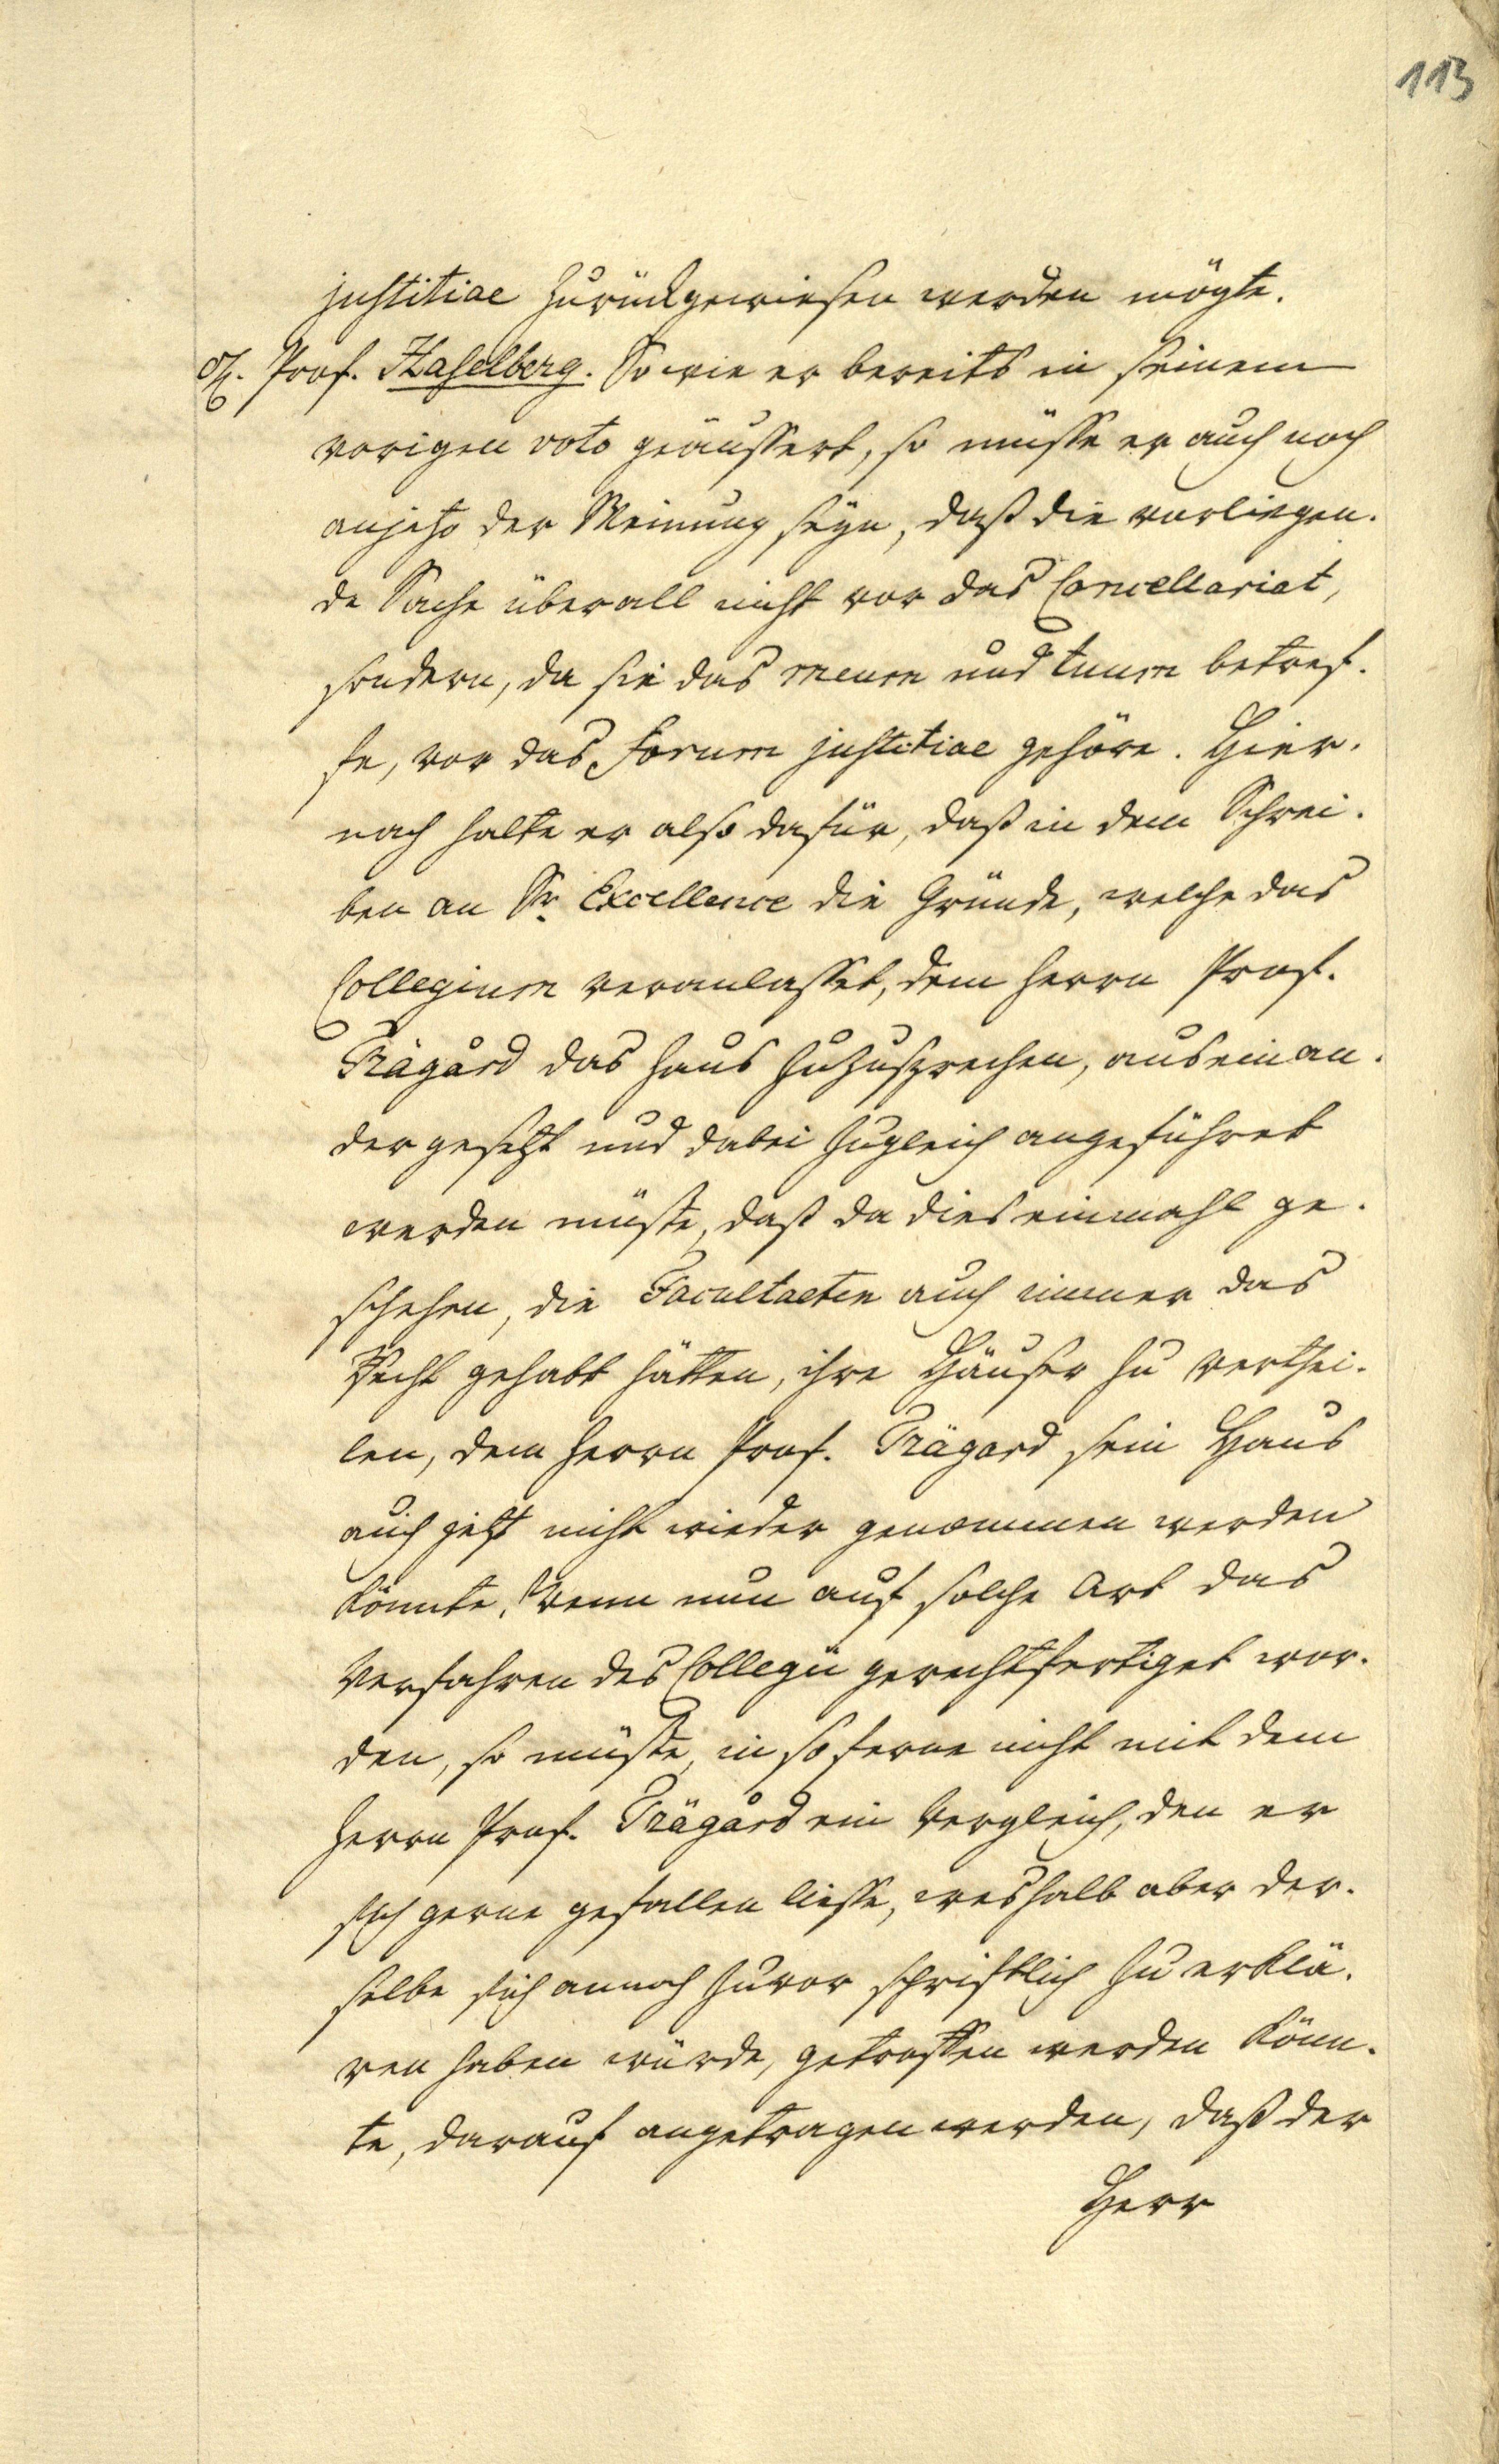justitiae zurückgewiesen werden mögte.
dh. Prof. Haselberg. So wie er bereits in seinem
vorigen voto geäussert, so müsse er auch noch
anjetzo der Meinung seÿn, daß die vorliegen¬
de Sache überall nicht vor das Cancellariat,
sondern, da sie das meum und tuum betref¬
fe, vor das Forum justitiae gehöre. Hier¬
nach halte er also dafür, daß in dem Schrei¬
ben an Sr Excellence die Gründe, welche das
Collegium veranlasset, dem Herrn Prof.
Trägård das Haus zuzusprechen, auseinan¬
der gesetzt und dabei zugleich angeführet
werden müßte, daß da dies einmahl ge¬
schehen, die Facultaeten auch immer das
Recht gehabt hätten, ihre Häuser zu verthei¬
len, dem Herrn Prof. Trägård sein Haus
auch jetzt nicht wieder genommen werden
könnte. Wenn nun auf solche Art das
Verfahren des Collegii gerechtfertiget wor¬
den, so müßte, in so ferne nicht mit dem
Herrn Prof. Trägård ein Vergleich, den er
sich gerne gefallen liesse, weshalb aber der¬
selbe sich annoch zuvor schriftlich zu erklä¬
ren haben würde, getroffen werden könn¬
te, darauf angetragen werden, daß der
Herr